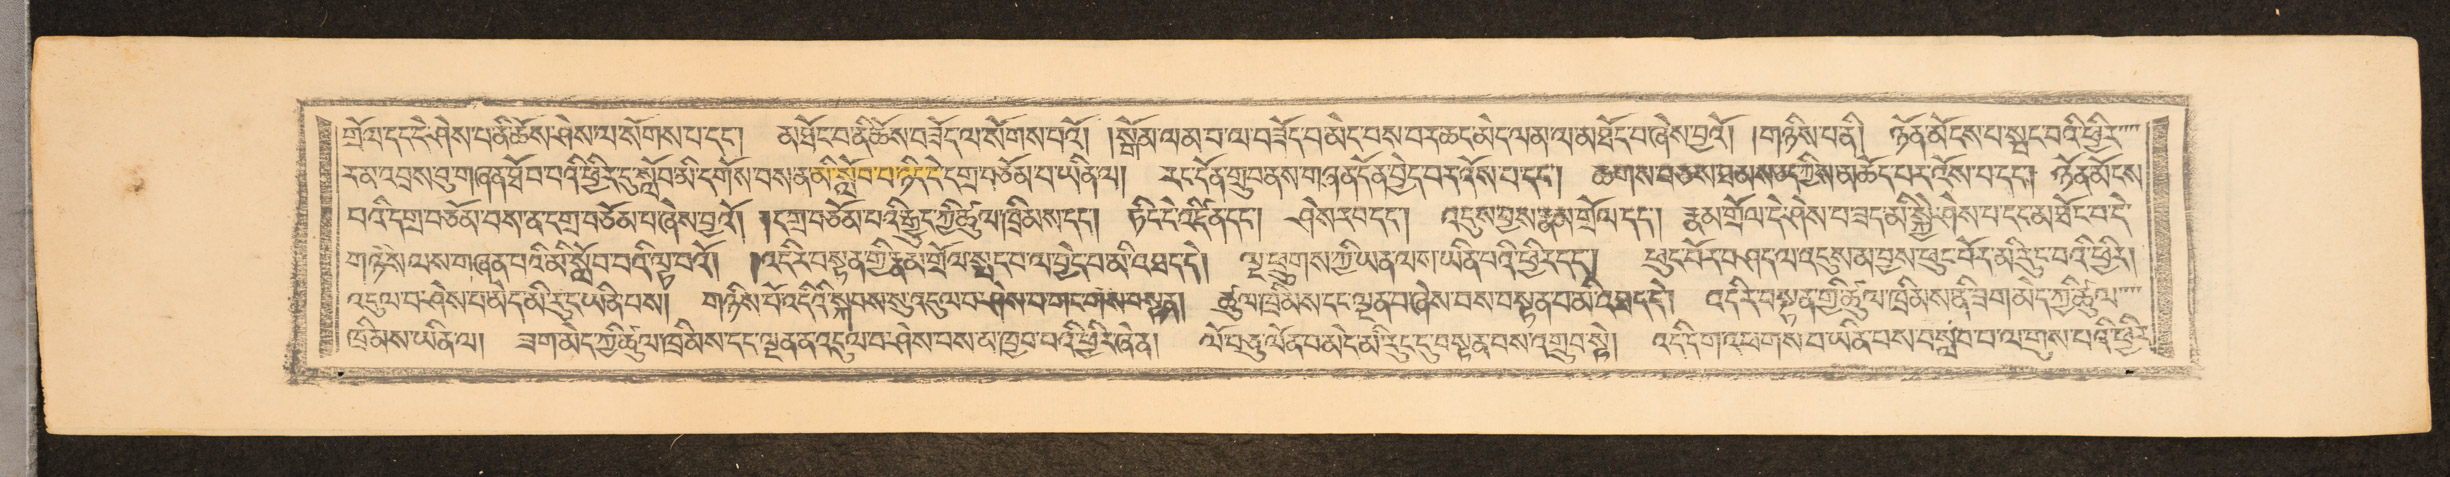གྲོལ་དང་དེ་ཤེས་པ་ནི་ཆོས་ཤེས་ལ་སོགས་པ་དང་། མཐོང་བ་ནི་ཆོས་བཟོད་ལ་སོགས་པའོ། །སྒོམ་ལམ་པ་ལ་བཟོད་པ་མེད་པས་བར་ཆད་མེད་ལམ་ལ་མཐོང་བ་ཞེས་བྱའོ། །གཉིས་པ་ནི། ཉོན་མོངས་པ་སྤང་བའི་ཕྱིར་
རམ་འབྲས་བུ་གཞན་ཐོབ་པའི་ཕྱིར་དུ་སློབ་མི་དགོས་པས་ན་མི་སློབ་པ་ཉིད་དེ་དགྲ་བཅོམ་པ་ཡིན་ལ། རང་དོན་གྲུབ་ནས་གཞན་དོན་བྱེད་པར་འོས་པ་དང་། ཆགས་བཅས་ཐམས་ཅད་ཀྱིས་མཆོད་པར་འོས་པ་དང་། ཉོན་མོངས་
པའི་དགྲ་བཅོམ་པས་ན་དགྲ་བཅོམ་པ་ཞེས་བྱའོ། །དགྲ་བཅོམ་པའི་རྒྱུད་ཀྱི་ཚུལ་ཁྲིམས་དང་། ཏིང་ངེ་འཛིན་དང་། ཤེས་རབ་དང་། འདུས་བྱས་རྣམ་གྲོལ་དང་། རྣམ་གྲོལ་དེ་ཤེས་པ་ཟད་མི་སྐྱེ་ཤེས་པ་དང་མཐོང་བ་དེ་
གཉིས་ལས་གཞན་པའི་མི་སློབ་པའི་ལྟ་བའོ། །འདིར་བསྟན་གྱི་རྣམ་གྲོལ་སྤང་བ་ལ་བྱེད་པ་མི་འཐད་དེ། ལྔ་ཕྲུགས་ཀྱི་ཡན་ལག་ཡིན་པའི་ཕྱིར་དང་། ཕུང་པོར་བཤད་ལ་འདུས་མ་བྱས་ཕུང་པོར་མི་རུང་བའི་ཕྱིར།
འདུལ་བ་ཤེས་པ་མེད་མི་རུང་ཡིན་པས། གཉིས་པོ་འདིའི་སྐབས་སུ་འདུལ་བ་ཤེས་པ་གང་གིས་བསྟན། ཚུལ་ཁྲིམས་དང་ལྡན་པ་ཞེས་པས་བསྟན་པ་མི་འཐད་དེ། འདིར་བསྟན་གྱི་ཚུལ་ཁྲིམས་ནི་ཟག་མེད་ཀྱི་ཚུལ་
ཁྲིམས་ཡིན་ལ། ཟག་མེད་ཀྱི་ཚུལ་ཁྲིམས་དང་ལྡན་ན་འདུལ་བ་ཤེས་པས་མ་ཁྱབ་པའི་ཕྱིར་ཞེ་ན། ལོ་བཅུ་ལོན་པ་མེད་མི་རུང་དུ་བསྟན་པས་འགྲུབ་སྟེ། འདི་དག་འཕགས་པ་ཡིན་པས་བསླབ་པ་ལ་གུས་པའི་ཕྱིར་